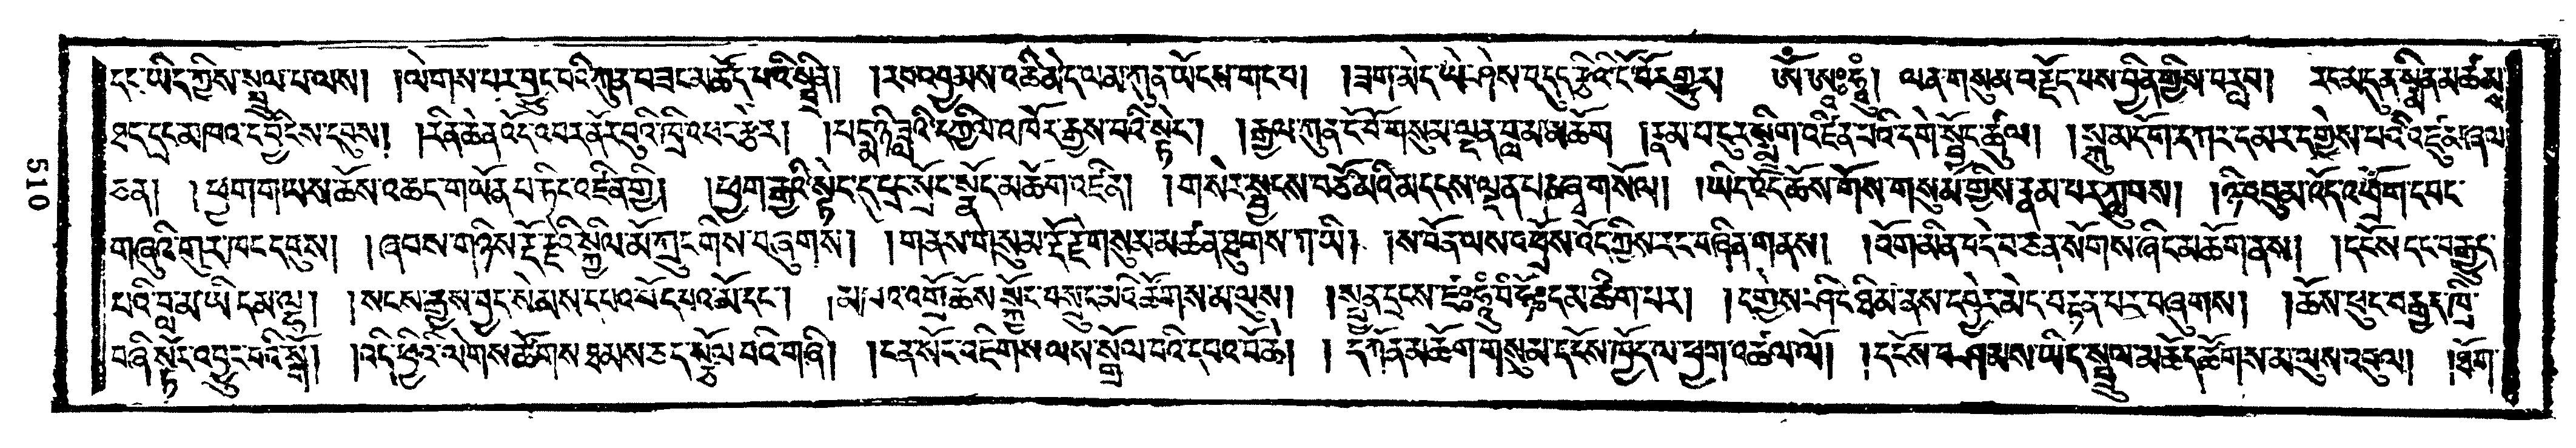དང་ཡིད་ཀྱིས་སྤྲུལ་པ་ལས། །ལེགས་པར་བྱུང་བའི་ཀུན་བཟང་མཆོད་པའི་སྤྲིན། །རབ་འབྱམས་འཆི་མེད་ལམ་ཀུན་ཡོངས་གང་བ། །ཟག་མེད་ཡེ་ཤེས་བདུད་རྩིའི་ངོ་བོར་གྱུར། ཨོཾ་ཨཱཿཧཱུཾ། ལན་གསུམ་བརྗོད་པས་བྱིན་གྱིས་བརླབ། རང་མདུན་སྨིན་མཚམས་
ཐད་དྲང་མཁའ་དབྱིངས་དབུས། །རིན་ཆེན་འོད་འབར་ནོར་བུའི་ཁྲི་འཕང་རྩེར། །པདམ་ཉི་ཟླའི་དཀྱིལ་འཁོར་རྒྱས་པའི་སྟེང་། །རྒྱལ་ཀུན་ངོ་བོ་གསུམ་ལྡན་བླ་མ་མཆོག །རྣམ་པ་དུར་སྨྲིག་འཛིན་པའི་དགེ་སྦྱོང་ཚུལ། །སྐུ་མདོག་དཀར་དམར་དགྱེས་པའི་འཛུམ་ཞལ་
ཅན། །ཕྱག་གཡས་ཆོས་འཆང་གཡོན་པ་ཏིང་འཛིན་གྱི། །ཕྱག་རྒྱའི་སྟེང་དུ་དྲང་སྲོང་སྣོད་མཆོག་འཛིན། །གསེར་སྦྱངས་བཙོ་མའི་མདངས་ལྡན་པཎ་ཞྭ་གསོལ། །ཡིད་འོད་ཆོས་གོས་གསུམ་གྱིས་རྣམ་པར་ཀླུབས། །ཉི་འབུམ་འོད་འཕྲོག་དབང་
གཞུའི་གུར་ཁང་དབུས། །ཞབས་གཉིས་རྡོ་རྗེའི་སྐྱིལ་མོ་ཀྲུང་གིས་བཞུགས། །གནས་གསུམ་རྡོ་རྗེ་གསུམ་མཚན་ཐུགས་ཀ་ཡི། །ས་བོན་ལས་འཕྲོས་འོད་ཀྱིས་རང་བཞིན་གནས། །འོག་མིན་བདེ་བ་ཅན་སོགས་ཞིང་མཆོག་ནས། །དངོས་དང་བརྒྱུད་
པའི་བླ་མ་ཡི་དམ་ལྷ། །སངས་རྒྱས་བྱང་སེམས་དཔའ་བོ་དཔའ་མོ་དང་། །མཁའ་འགྲོ་ཆོས་སྐྱོང་བསྲུང་མའི་ཚོགས་མ་ལུས། །སྤྱན་དྲངས་ཛཿཧཱུཾ་བཾ་ཧོཿདམ་ཚིག་པར། །དགྱེས་ཤིང་ཐིམ་ནས་དབྱེར་མེད་བརྟན་པར་བཞུགས། །ཆོས་ཕུང་བརྒྱད་ཁྲི་
བཞི་སྟོང་འབྱུང་བའི་སྒོ། །འདི་ཕྱིའི་ལེགས་ཚོགས་ཐམས་ཅད་སྩོལ་བའི་གཞི། །ངན་སོང་འཇིགས་ལས་སྒྲོལ་བའི་དཔའ་བོ་ཆེ། །དཀོན་མཆོག་གསུམ་དངོས་ཁྱོད་ལ་ཕྱག་འཚལ་ལོ། །དངོས་བཤམས་ཡིད་སྤྲུལ་མཆོད་ཚོགས་མ་ལུས་འབུལ། །ཐོག་